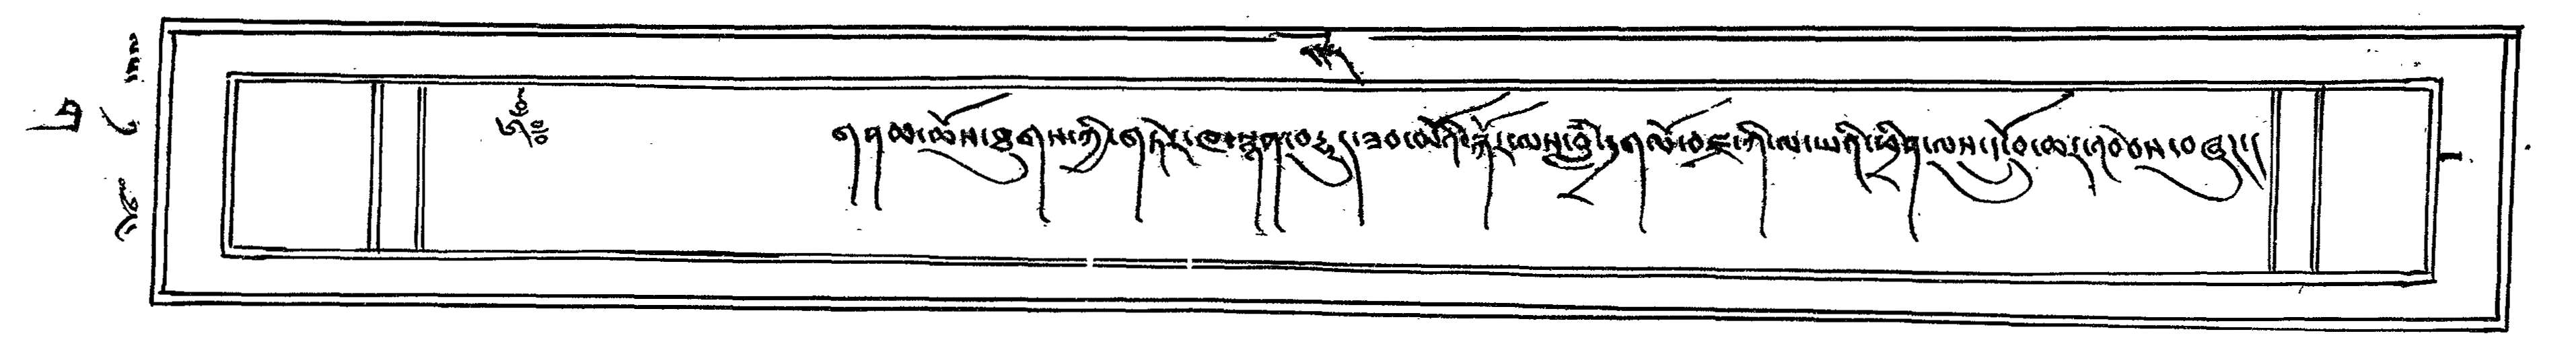༄༅། གནམ་ཆོས་ཐུགས་ཀྱི་གཏེར་ཁ་སྙན་བརྒྱུད་ཟབ་མོའི་སྐོར་ལས་བླ་མ་དྲག་པོ་བཛྲ་ཀི་ལ་ཡའི་ཕྲིན་ལས་དངོས་གྲུབ་ཆར་འབེབས་བཞུགས།